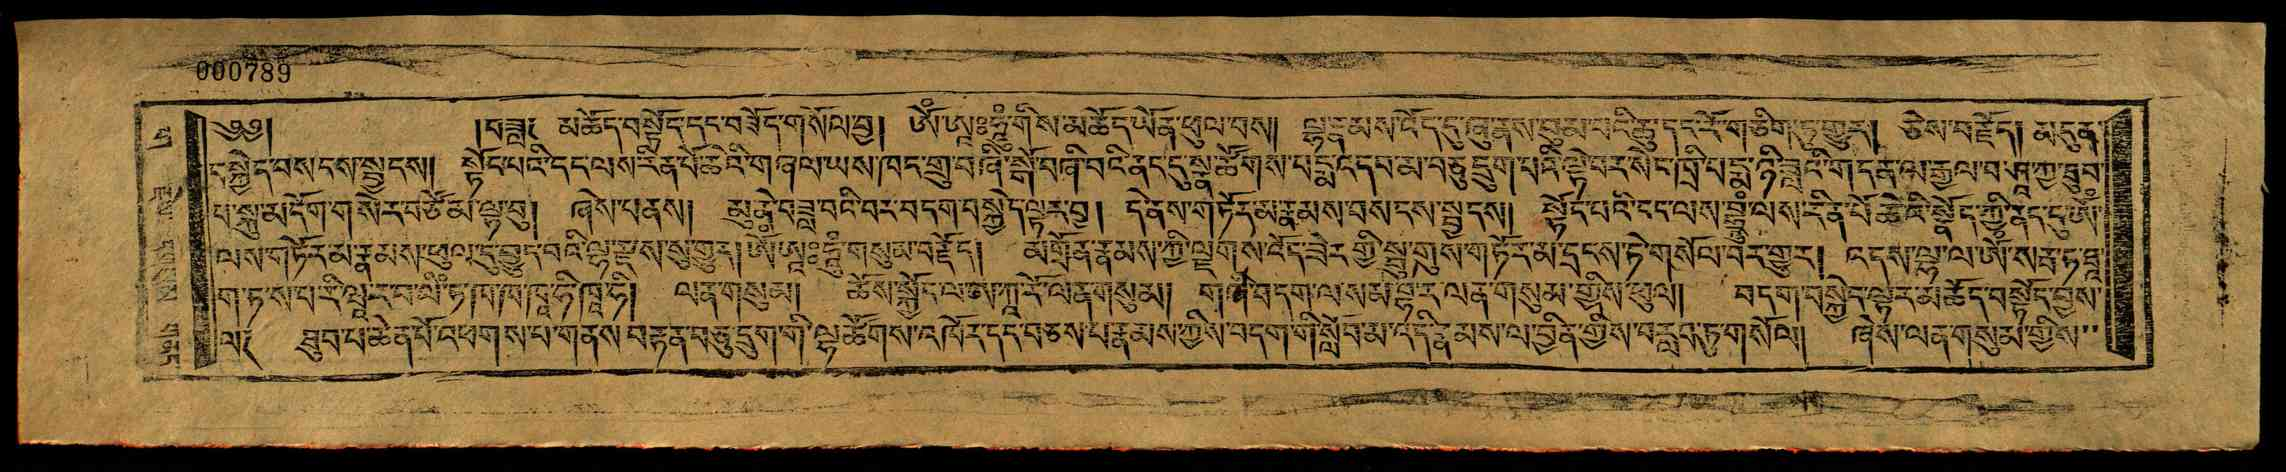༄༅། །བཟླ༑ མཆོད་བསྟོད་དང་བཟོད་གསོལ་བྱ། ཨོཾ་ཨཱཿ ཧཱུཾ་གིས་མཆོད་ཡོན་ཕུལ་བས། ལྷ་རྣམས་འོད་དུ་ཞུ་ནས་བུམ་པའི་ཆུ་དང་རོ་གཅིག་ཏུ་གྱུར། ཅེས་བརྗོད། མདུན་
བསྐྱེད་བསངས་སྦྱངས། སྟོང་པའི་ངང་ལས་རིན་པོ་ཆེའི་གཞལ་ཡས་ཁང་གྲུ་བཞི་སྒོ་བཞི་པའི་ནང་དུ་སྣ་ཚོགས་པདམ་འདབ་མ་བཅུ་དྲུག་པའི་ལྟེ་བར་སེང་ཁྲི་པདམ་ཉི་ཟླའི་གདན་ལ་རྒྱལ་བ་ཤཱཀྱ་ཐུབ་
པ་སྐུ་མདོག་གསེར་བཙོ་མ་ལྟ་བུ། ཞེས་པ་ནས། མུ་ནེ་བཟླ་བའི་བར་བདག་བསྐྱེད་ལྟར་བྱ། དེ་ནས་གཏོར་མ་རྣམས་བསངས་སྦྱངས། སྟོང་པའི་ངང་ལས་བྷྲཱུཾ་ལས་རིན་པོ་ཆེའི་སྣོད་ཀྱི་ནང་དུ་ཨོཾ་
ལས་གཏོར་མ་རྣམས་ཕུལ་དུ་བྱུང་བའི་ལྷ་རྫས་སུ་གྱུར། ཨོཾ་ཨཱཿ ཧཱུཾ་གསུམ་བརྗོད། མགྲོན་རྣམས་ཀྱི་ལྗགས་འོད་ཟེར་གྱི་སྦུ་གུས་གཏོར་མ་དྲངས་ཏེ་གསོལ་བར་གྱུར། འདས་ལྷ་ལ་ཨོཾ་སརྦ་ཏ་ཐཱ་
ག་ཏ་ས་པ་རི་ཝཱ་ར་བ་ལིཾ་ཏ་ཁ་ཁ་ཁཱ་ཧི་ཁཱ་ཧི། ལན་གསུམ། ཆོས་སྐྱོང་ལ་ཨ་ཀཱ་རོ་ལན་གསུམ། གཞི་བདག་ལ་སམ་བྷ་ར་ལན་གསུམ་གྱིས་ཕུལ། བདག་བསྐྱེད་ལྟར་མཆོད་བསྟོད་བྱས་
ལ༑ ཐུབ་པ་ཆེན་པོ་འཕགས་པ་གནས་བརྟན་བཅུ་དྲུག་གི་ལྷ་ཚོགས་འཁོར་དང་བཅས་པ་རྣམས་ཀྱིས་བདག་གི་སློབ་མ་འདི་རྣམས་ལ་བྱིན་གྱིས་བརླབ་ཏུ་གསོལ། ཞེས་ལན་གསུམ་གྱིས་